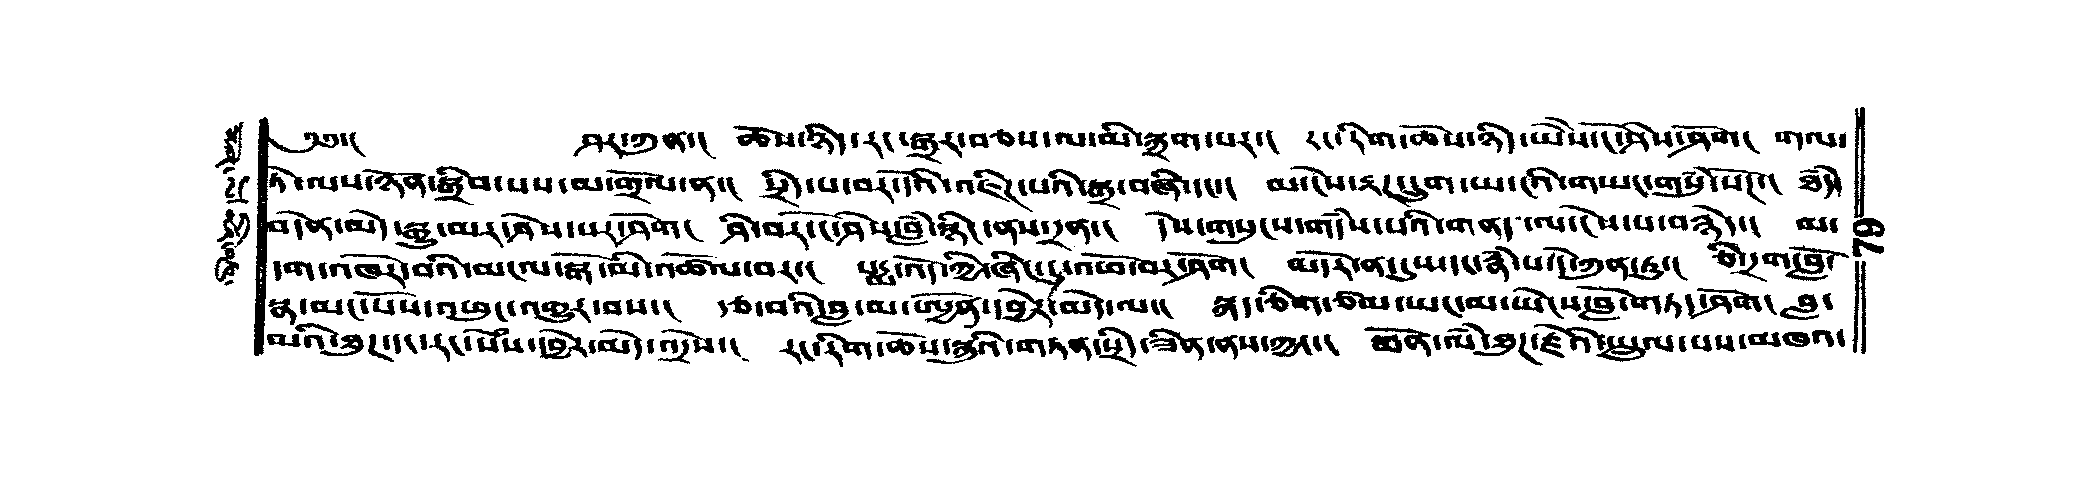ཤར་ཀུན། །ཆོས་ཉིད་རང་སྒྲར་བཅས་ལ་མི་སྐྲག་པར། །རང་རིག་ཆོས་ཉིད་ཡེ་ཤེས་ངོ་ཤེས་ཤོག །གལ་
ཏེ་ལས་ཉོན་སྒྲིབ་པས་མ་གྲོལ་ན་། །སྲིད་པ་བར་དོའི་འཇིགས་པའི་སྒྲ་བཞི་དང་། །མ་ངེས་རྟགས་དྲུག་ཡ་ངའི་གཡང་གསུམ་སོགས། །ཐམས་ཅད་
བདེན་མེད་སྒྱུ་མར་ཤེས་པར་ཤོག །ཤི་བ་ངོ་ཤེས་བླ་མ་སྙིང་ནས་དྲན། །དེས་གསུངས་གདམས་པའི་གནད་ལ་ངེས་པ་བརྙེད། །མ་
དག་འཁོར་བའི་མངལ་སྒོ་མི་འཚོལ་བར། །པདྨ་འོད་ཀྱི་ཞིང་དུ་འཕོ་བར་ཤོག །མདོར་ན་དུས་དང་རྣམ་པ་དེ་ཀུན་ཏུ། །ཅི་དྲག་བློ་
སྣ་མང་པོས་འཕུང་འགྱུར་བས། །རྩ་བའི་བླ་མ་ཨོ་རྒྱན་དབྱེར་མེད་ལ། །སྐད་ཅིག་ཙམ་ཡང་མ་ཡེངས་བློ་གཏད་ཤོག །བླ་
མའི་ཐུགས་དང་རང་སེམས་དབྱེར་མེད་འདྲེས། །རང་རིག་ཆོས་སྐུའི་གཏན་སྲིད་ཟིན་ནས་ཀྱང་། །སྨོན་ལམ་ཐུགས་རྗེའི་སྤྲུལ་པས་མཁའ་